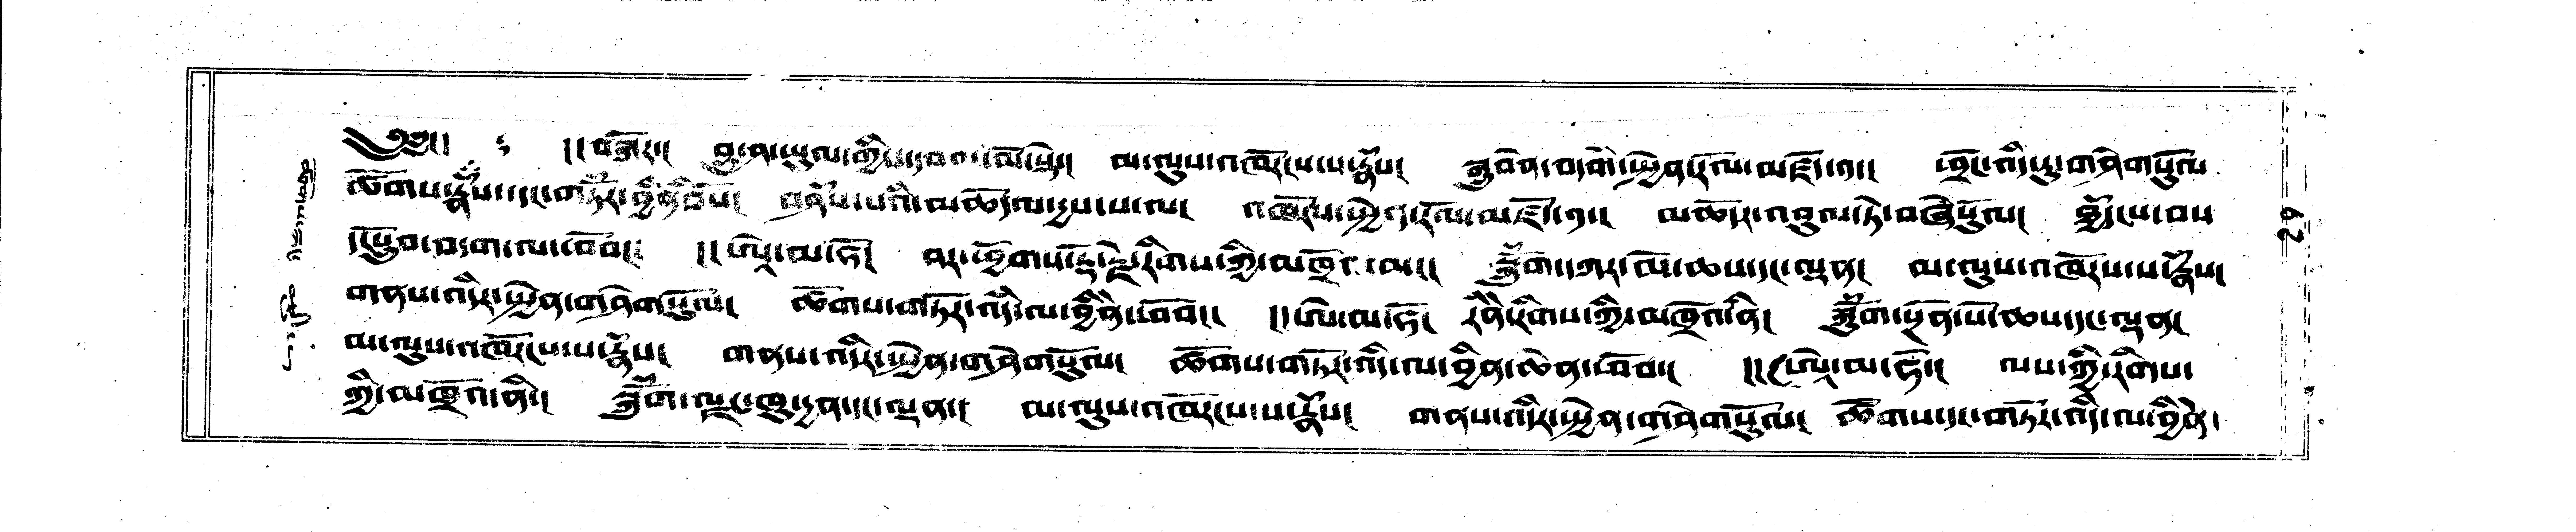བསྐོར། བྲུ་ཤ་ཡུལ་གྱིས་དབལ་མོ་སྟེ། མ་ལུས་འཁོར་དང་བཅས་པ་རྣམས། སྒྲུབ་ཆེན་བདག་གིས་སྤྱན་འདྲེན་རོལ་མཛོད་ཅིག ཕོ་བྲང་འདི་རུ་གཤེགས་སུ་གསོལ། 
ཚོགས་དང་གཏོར་མ་བྱིན་གྱིས་རློབས། བཤམས་པའི་མཆོད་འབུལ་རྒྱས་པ་ལ། འཁོར་བཅས་སྤྱན་འདྲེན་རོལ་མཛོད་ མཆོད་པར་འབུལ་ཏེ་བཞེས་སུ་གསོལ། ཐུགས་དམབསྐངསབས་
དངོས་གྲུབ་བདག་ལ་ཕོབ།། །།ཨེ་མ་ཧོ། ཤར་ཕྱོགས་རྡོ་རྗེ་རིགས་ཀྱི་མཁའ་འགྲོ་མ། སྐུ་མདོག་དཀར་མོ་ཆས་དང་ལྡན། མ་ལུས་འཁོར་དང་བཅས་པ་རྣམས། 
གནས་འདིར་སྤྱན་འདྲེན་གཤེགས་སུ་གསོལ། ཚོགས་གཏོར་འདི་ལ་བྱིན་ཆེན་ཕོབ།། །།ཨེ་མ་ཧོ། རིན་ཆེན་རིགས་ཀྱི་མཁའ་འགྲོ་ནི། སྐུ་མདོག་སྔོན་པོ་ཆས་དང་ལྡན། 
མ་ལུས་འཁོར་དང་བཅས་པ་རྣམས། གནས་འདིར་སྤྱན་འདྲེན་གཤེགས་སུ་གསོལ། ཚོགས་གཏོར་འདི་ལ་བྱིན་ཆེན་ཕོབ། །།ཨེ་མ་ཧོ། ལས་ཀྱི་རིགས་
ཀྱི་མཁའ་འགྲོ་ནི། སྐུ་མདོག་ལྗང་ཁུ་རྒྱན་དང་ལྡན། མ་ལུས་འཁོར་དང་བཅས་པ་རྣམས། གནས་འདིར་སྤྱན་འདྲེན་གཤེགས་སུ་གསོལ། ཚོགས་དང་གཏོར་འདི་ལ་བྱིན་ཆེན་